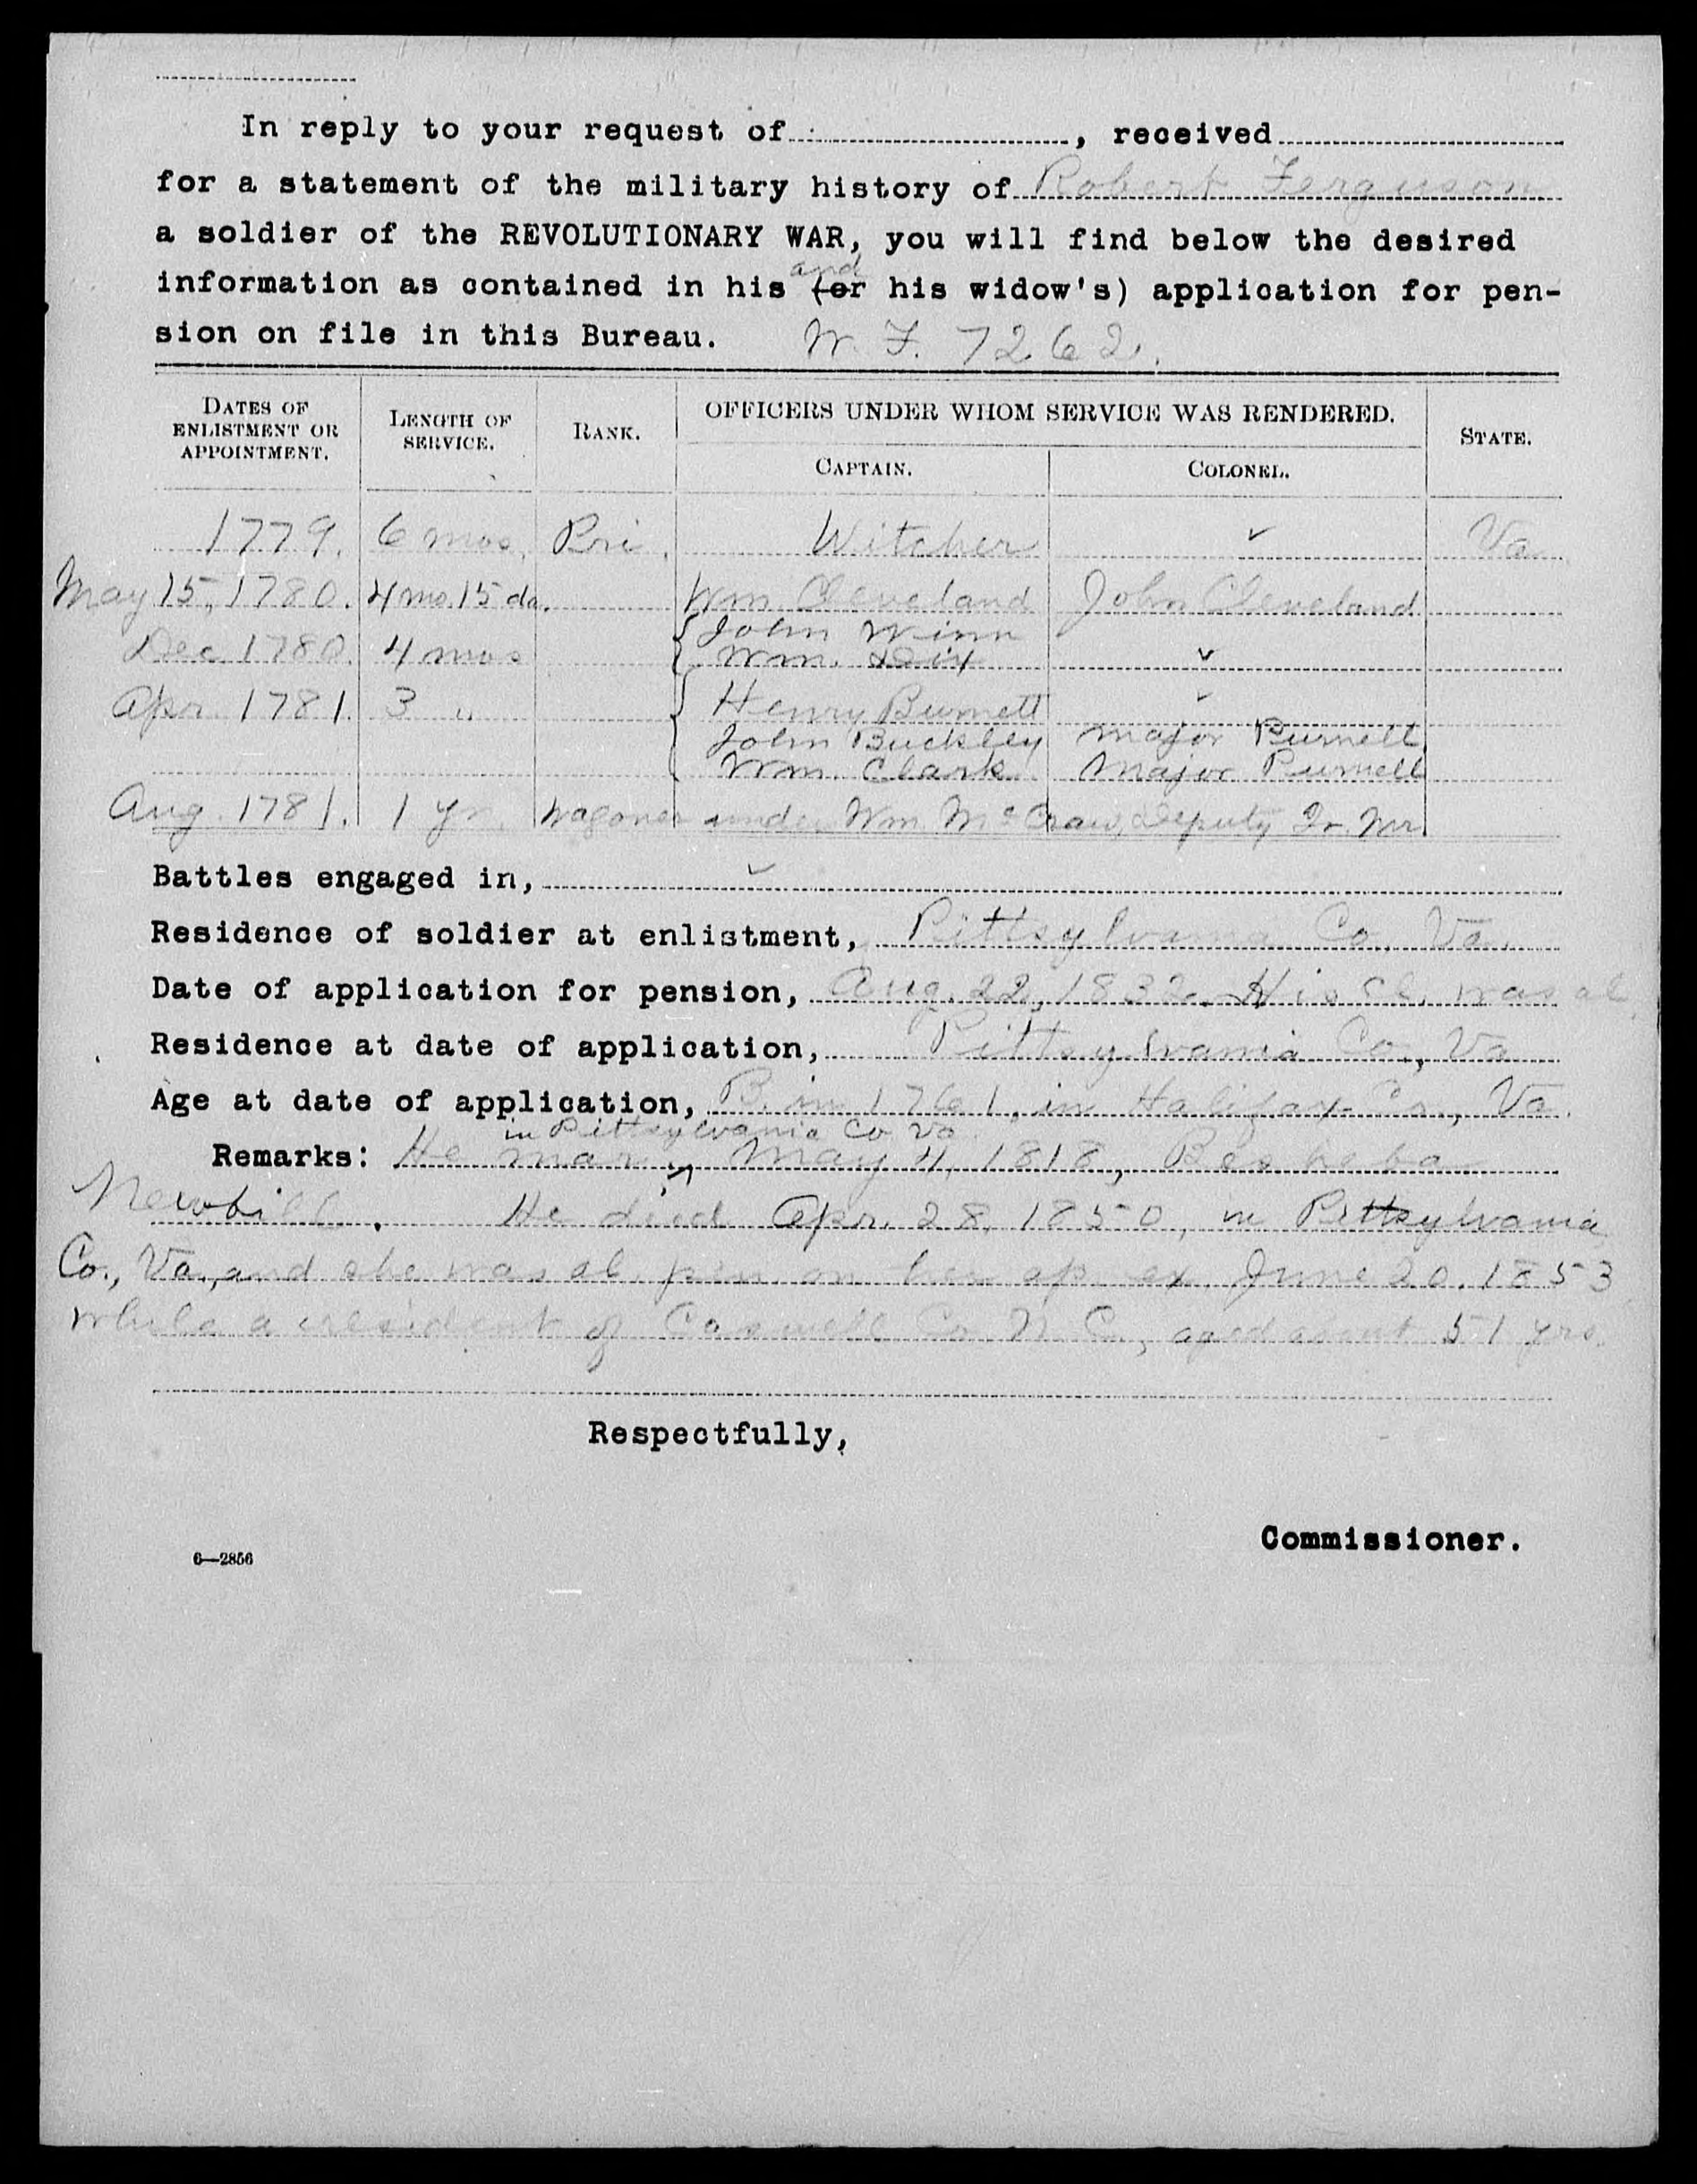In reply to your request of ...................., received ................... for a statement of the military history of Robert Ferguson a soldier of the REVOLUTIONARY WAR, you will find below the desired information as contained in his (and for his widow's) application for pension on file in this Bureau. 
DATES OF ENLISTMENT OR APPOINTMENT. 1779. May 15. 1780. Dec 1780. April 1781. Aug 1781.
LENGTH OF SERVICE. 6 mo. 4 mo, 15 days. 4 months. 3 mo. 1 yr.
RANK. Pri,
OFFICERS UNDER WHOM SERVICE WAS RENDERED. Captain. Witcher. MM Cleveland. John Winn, MM Hink. Henry Burnett, John Buckley, MM Clark and MM McGraw.
Colonel. John Cleveland. Major Burnett. Major Purnell.
STATE. VA

Battles engaged in, ................
Residence of soldier at enlistment, ...Pittsylvania Co. Va...
Date of Application for pension, ...Aug, 22, 1832. His [illegible]..
Residence at date of application,... Pittsylvania Co, VA...
Age at date of application,...B. in 1761, in Halifax Co, VA...
Remarks... He married May 11, 1818, Besheba Newbill. He died April 28, 1850 in Pittsylvania Co., VA and she [illegible] June 20, 1853 Mr [illegible] a resident of Comwell Co NC, [illegible] 51 yrs....

Respectfully,
Commissioner.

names: Burnett, Wm Dix, John Buckley, Wagoner Mc Craw, Burnett, John Winn, Robert Ferguson, John Cleveland, Wm Clark, Wm Cleveland, Besheba Newbill, Henry Burnett, Witcher, Wm Mc Craw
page: 78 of 81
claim: widow's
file: W. 7262, Robert Ferguson, Va.